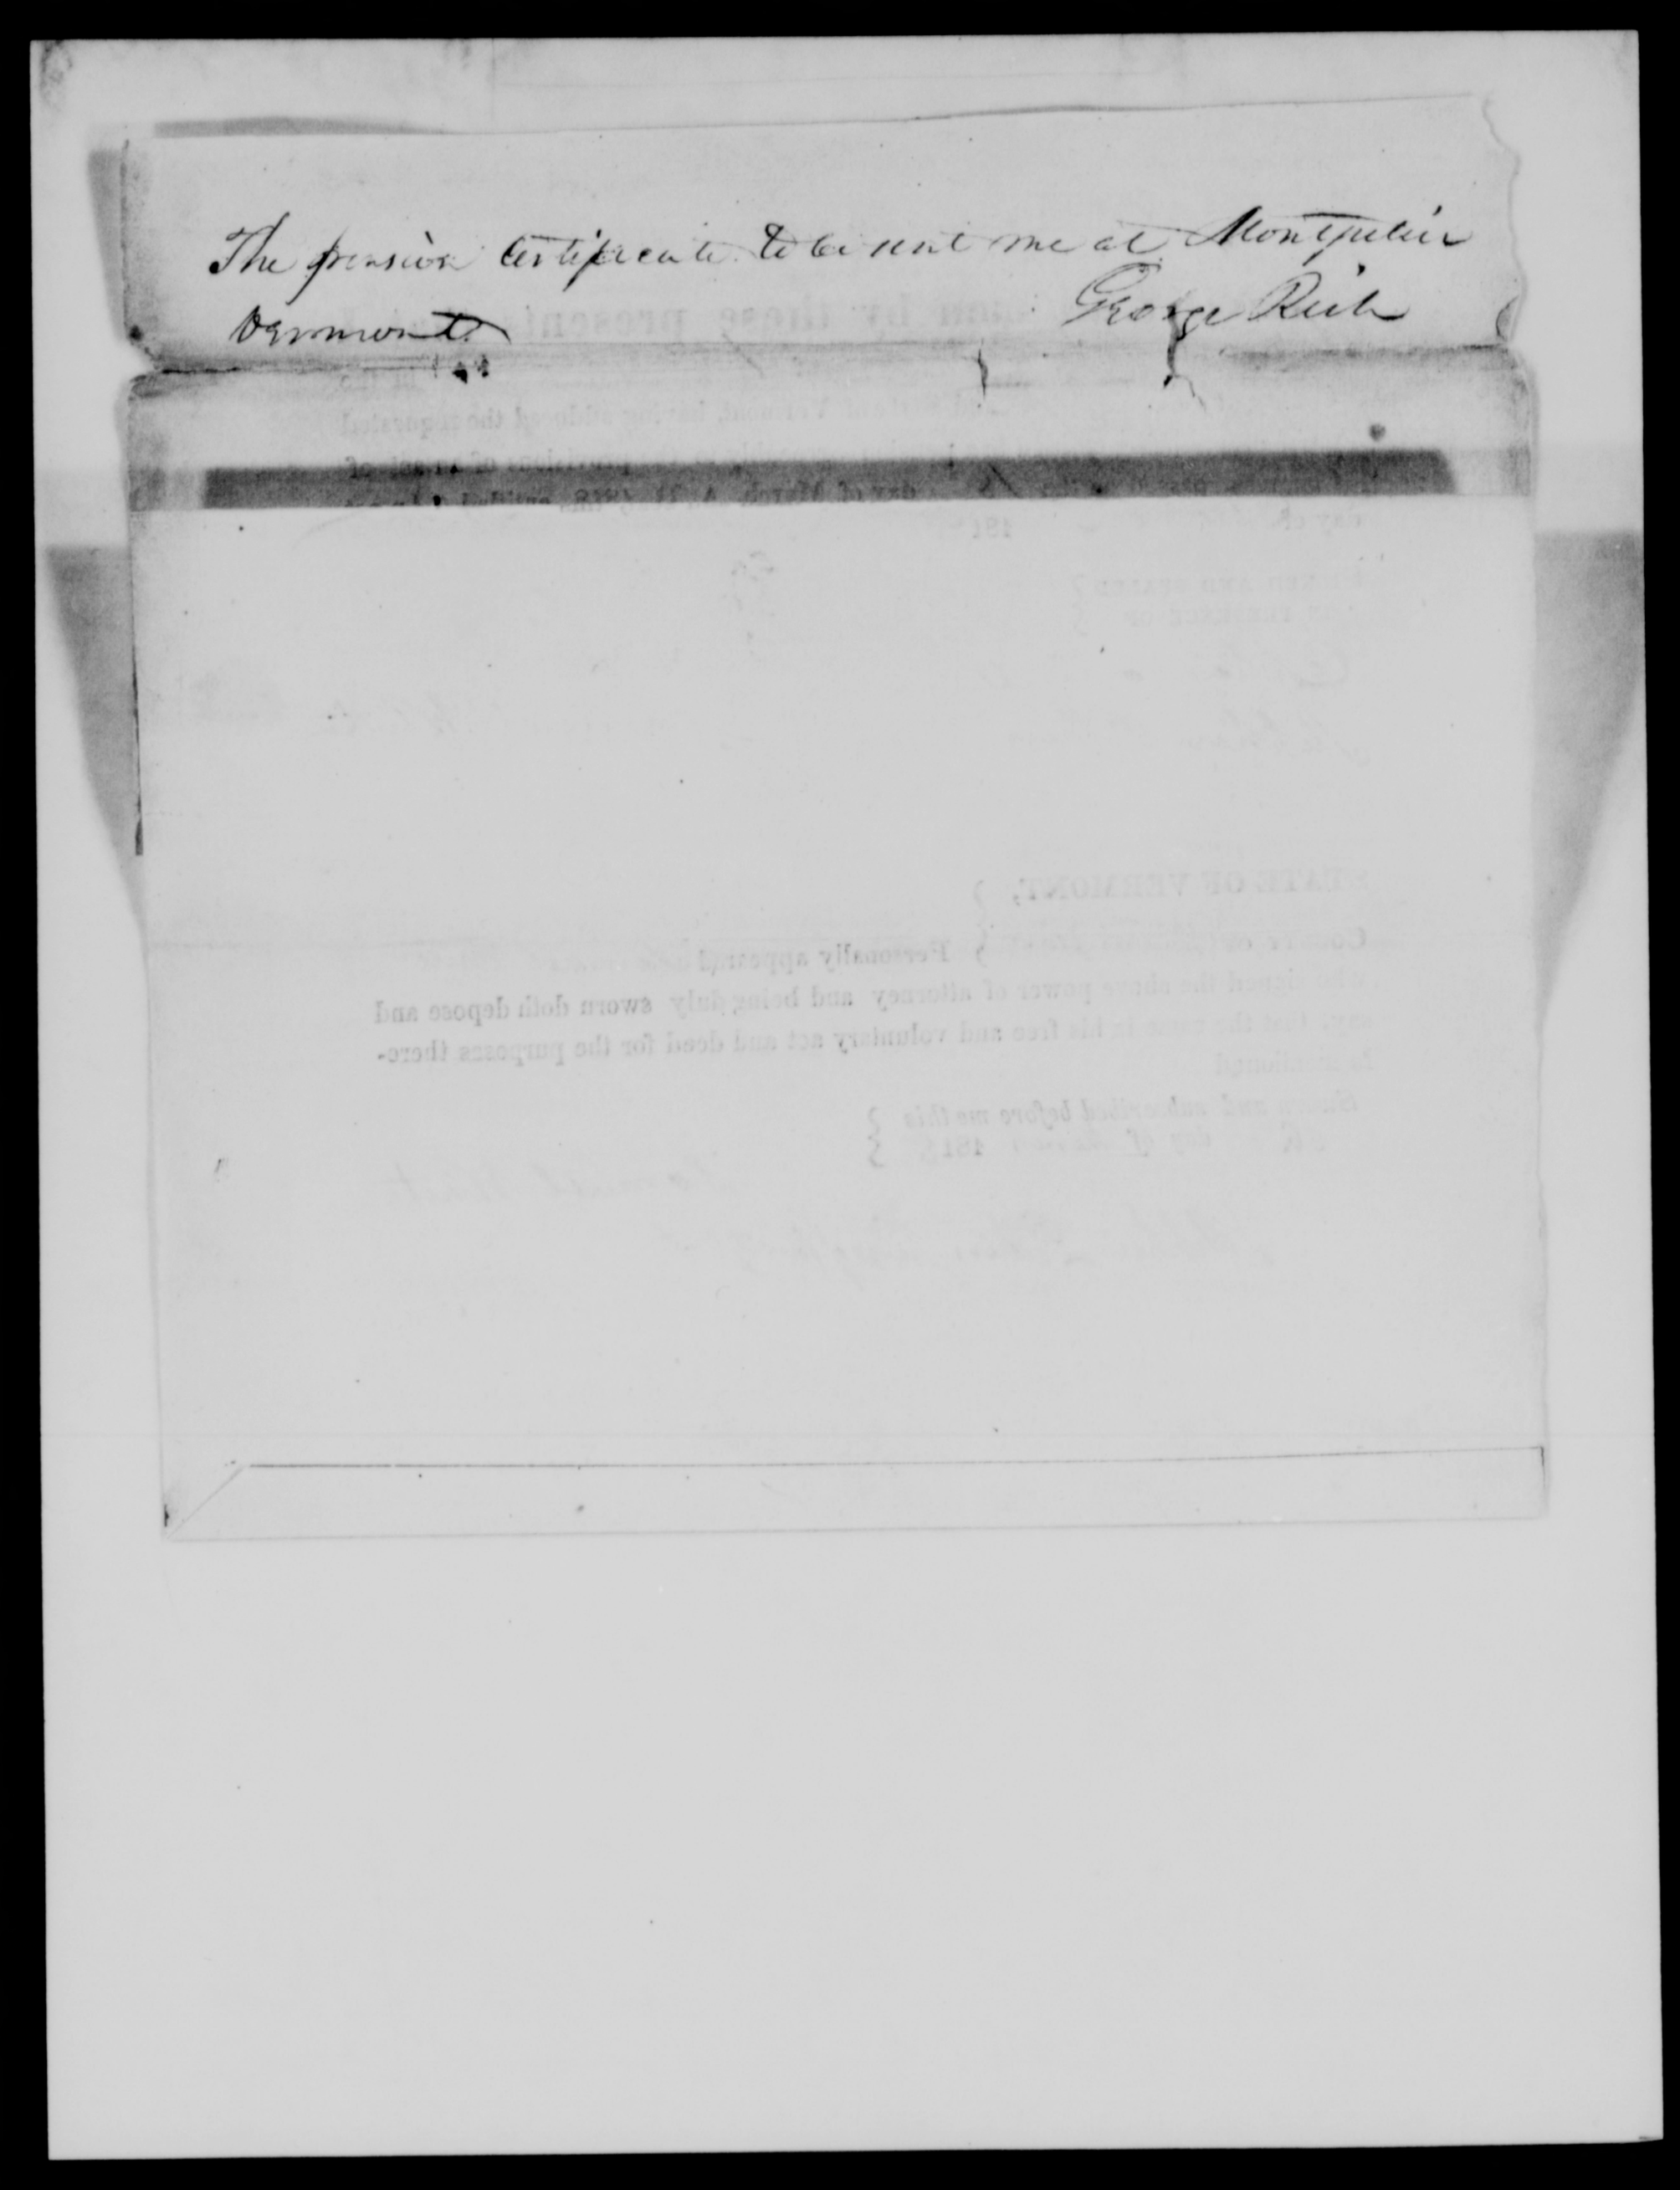The pension certificate to be sent me at Montpelier Vermont
George Rich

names: George Rich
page: 7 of 79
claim: survivor's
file: S. 11759, Samuel White, Mass.